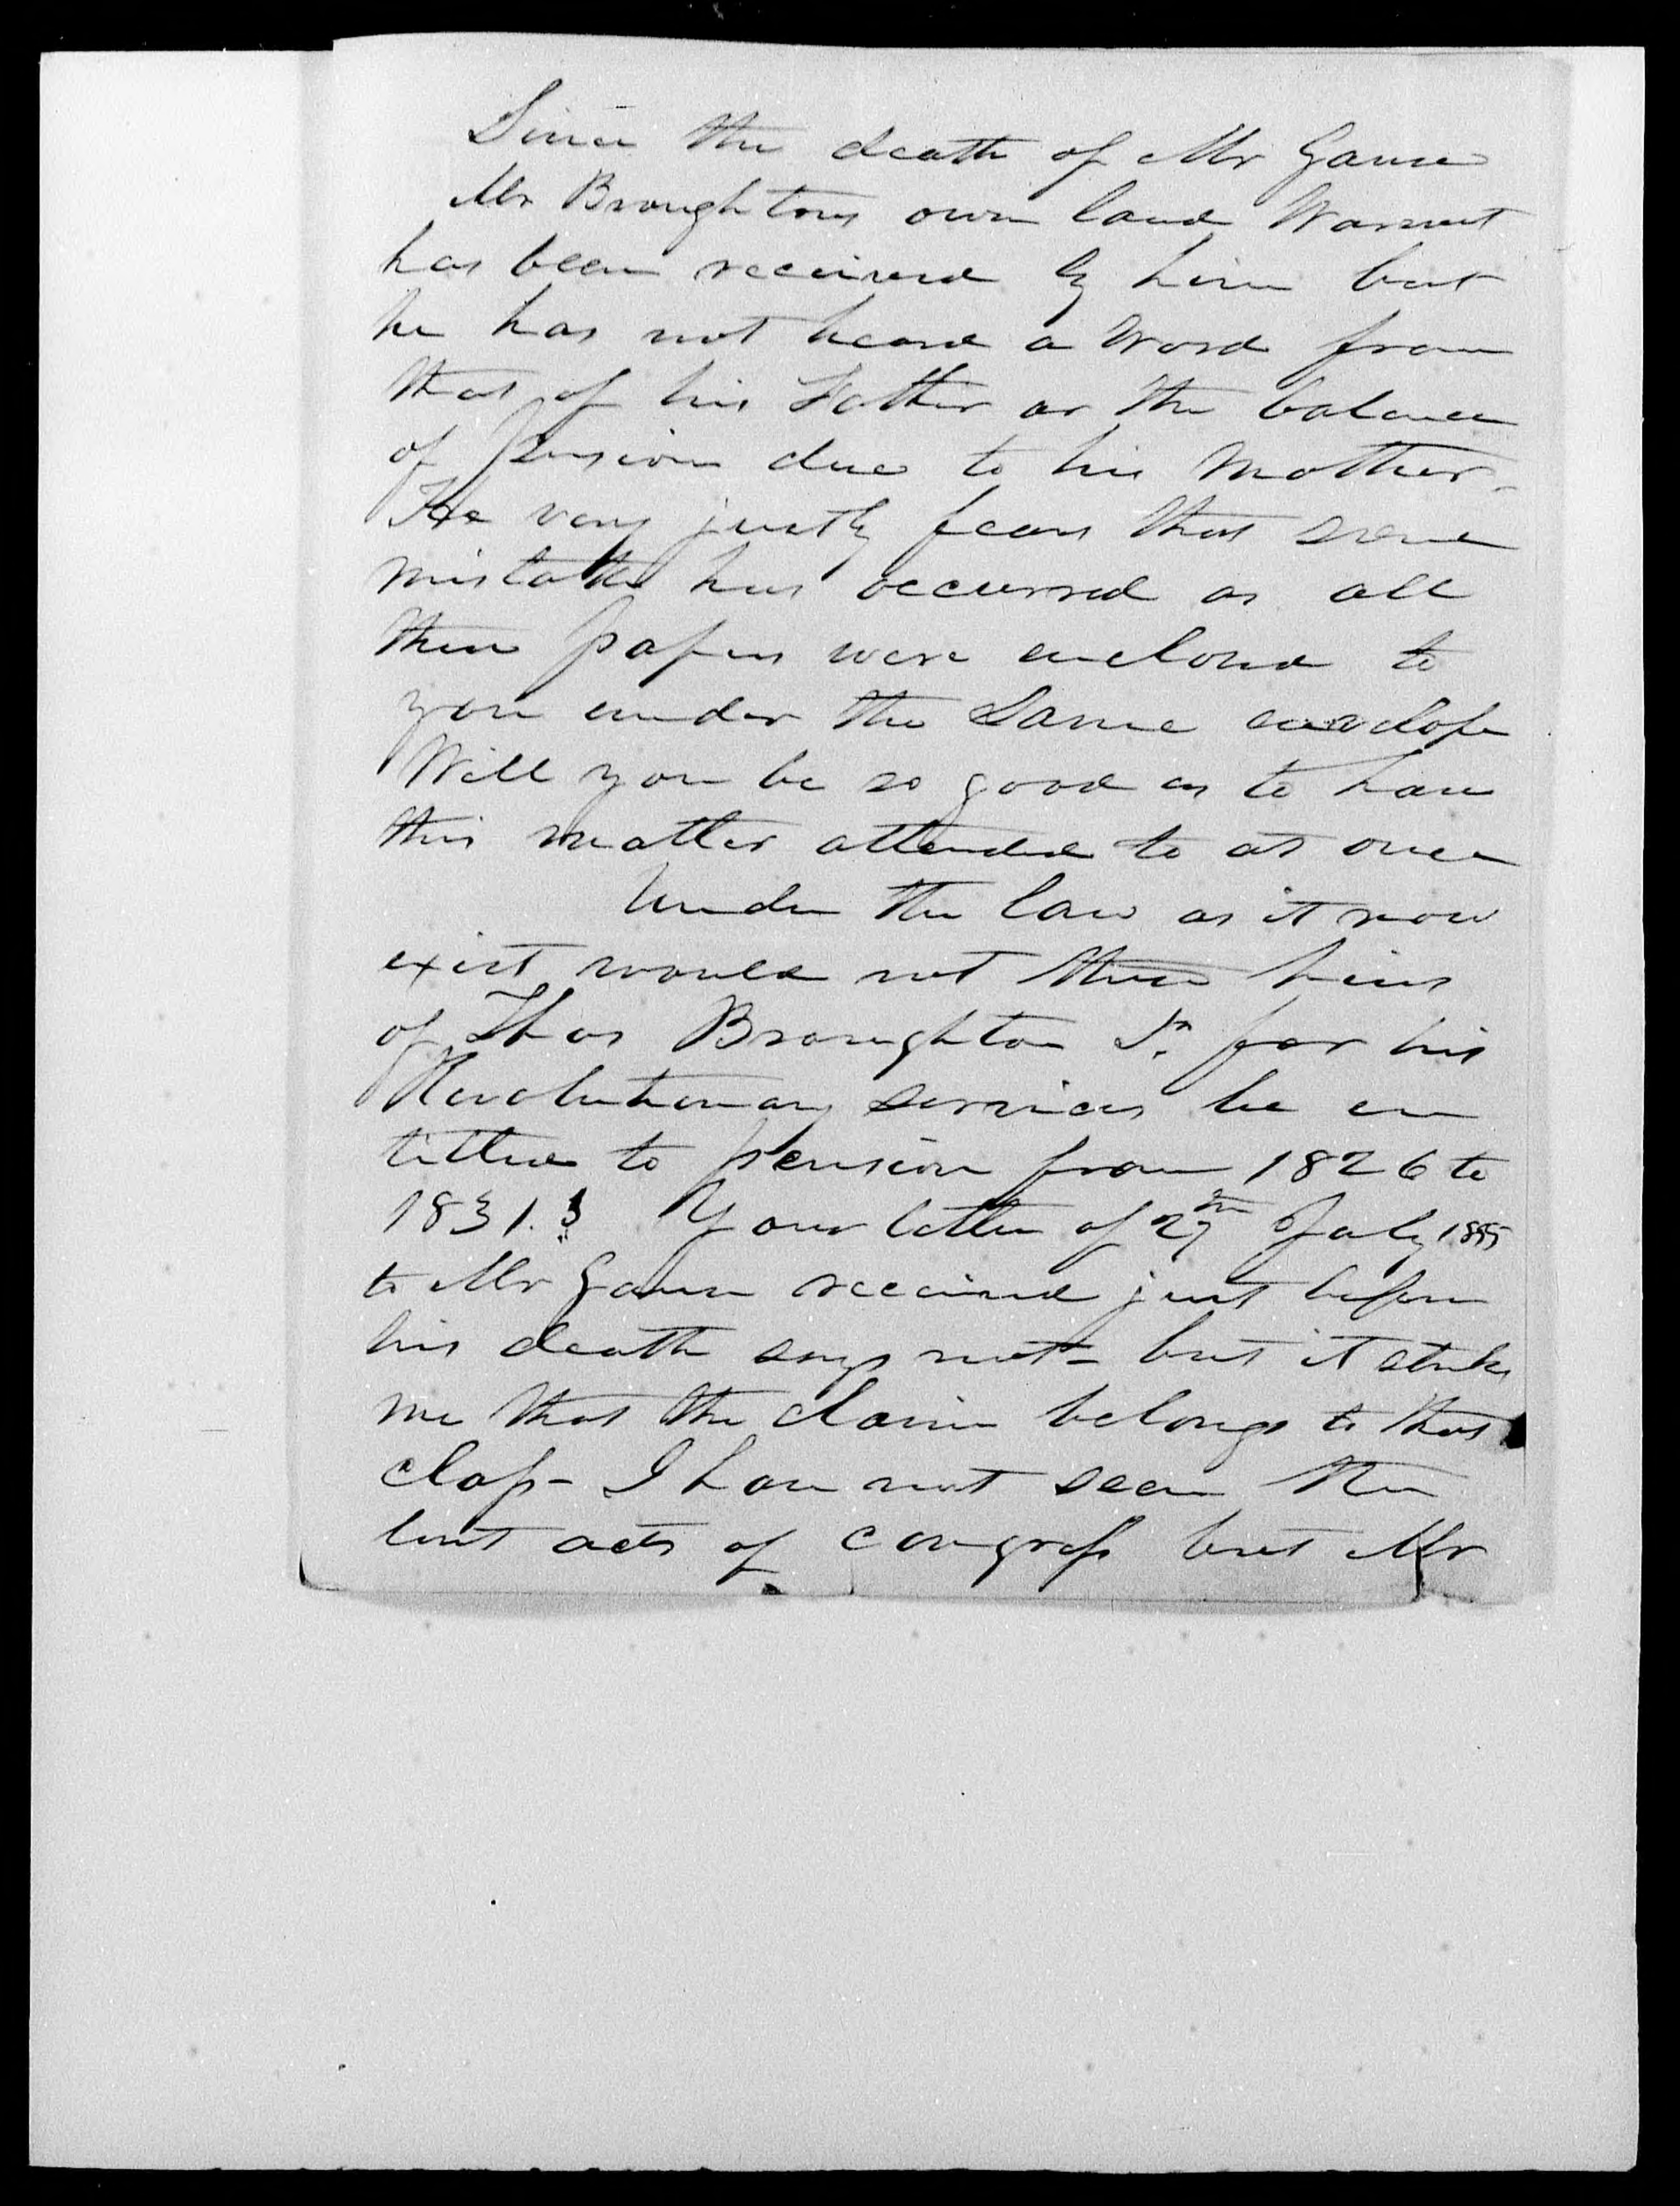Since the death of Mr Gause Mr Broughtons own land Warrant has been received by him but he has not heard a word from that of his Father or the balance of pension due to his mother. He very justly fears that some mistake has occurred as all their papers were enclosed to you under the same envelope. Will you be so good as to have this matter attended to at once
Under the law as it now exist would not their heirs of Thos Broughton Jr. for his Revolutionary services be entitled to pension from 1826 to 1831 & Your letter of 27th July 1855 to Mr Gause received just before his death says not but it strikes me that the claim belongs to that class. I have not seen the last acts of congress but Mr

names: Thos Broughton, Gause, Broughton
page: 60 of 72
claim: widow's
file: W. 897, Thomas Broughton, S.C.